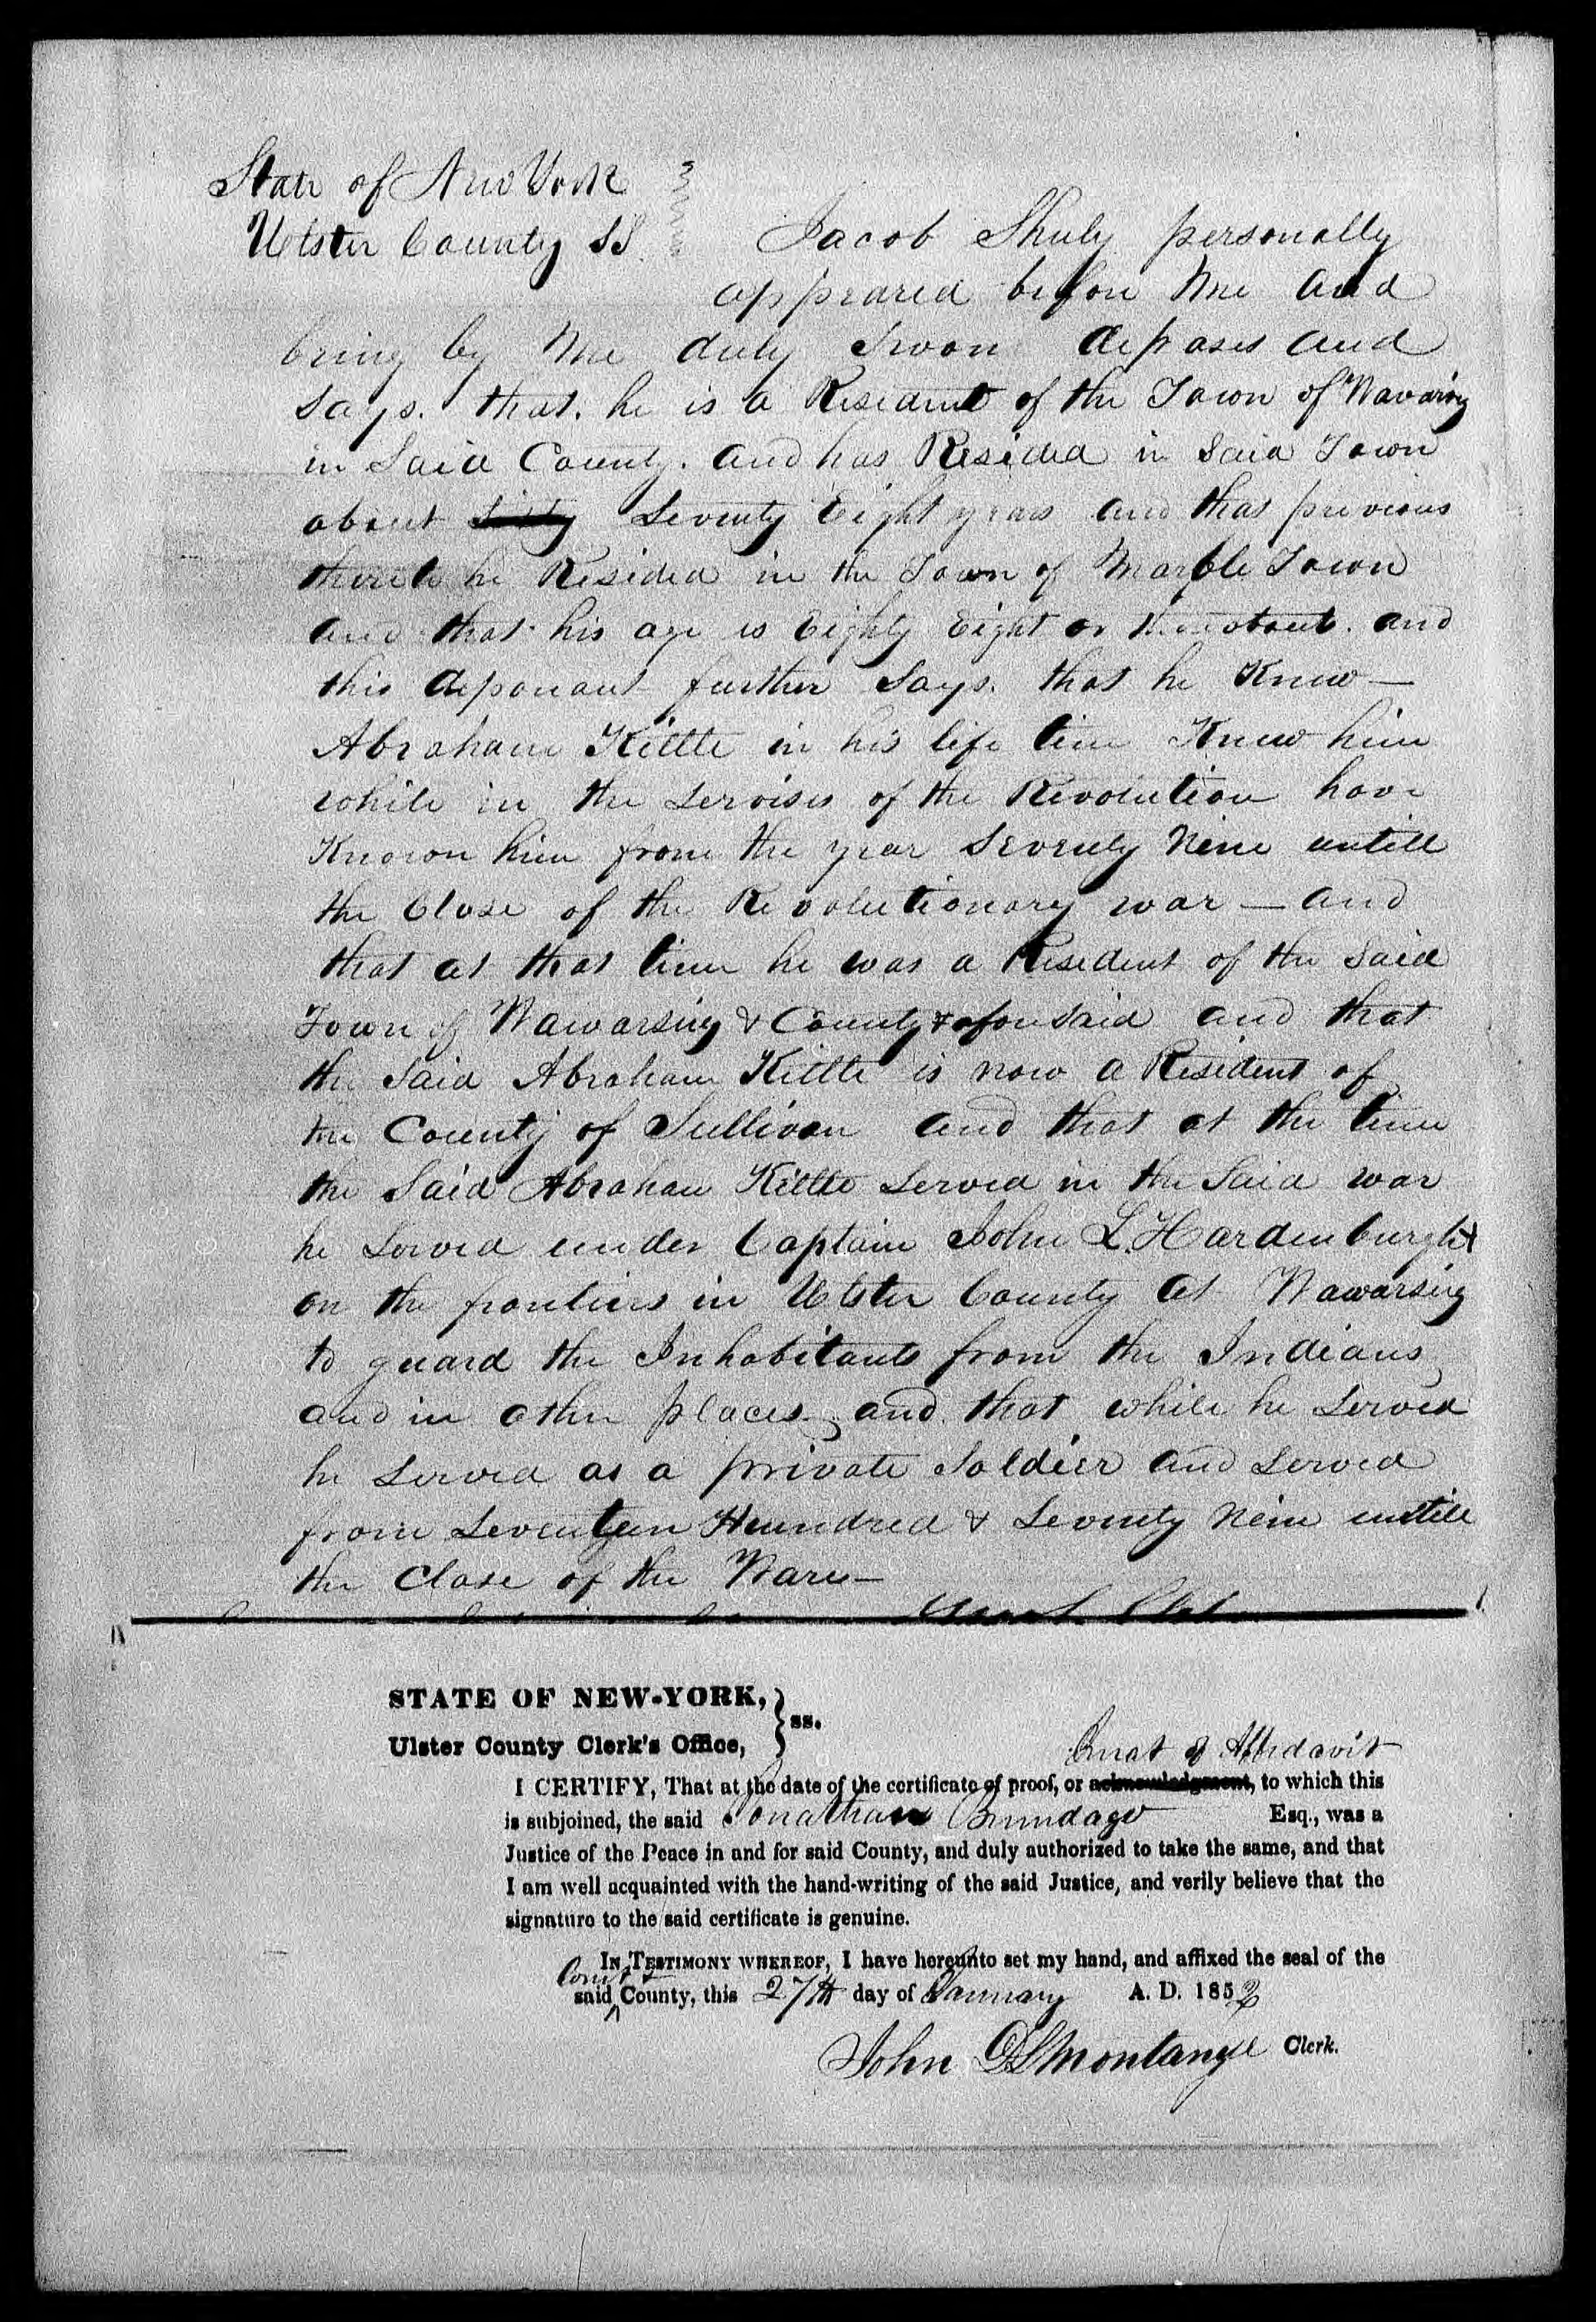State of New York Ulster County SS
 Jacob Sheely personally appeared before me and being by me duly sworn deposes and says that he is a resident of the Town of Warwarsing in said County, and has resided in said Town about seventy Eight years and that previous thereto he resided in the Town of Marble Town and that his age is Eighty Eight or thereabouts and this deponant further says that he knew Abraham Kittle in his life time knew him while in the servises of the Revolution have known him from the year seventy nine until the close of the Revolutionary war and that at that time he was a resident of the said Town of Wawarsing & County & aforesaid and that the said Abraham Kittle is now a resident of the County of Sullivan and that at the time the said Abraham Kittle served in the said war he served under Captain John L. Hardenburgh on the frontier in Ulster County at Wawarsing to guard the Inhabitants from the Indians and in other places, and that while he served he served as a private Soldier and served from seventeen Hundred & Seventy nine until the close of the Ware.
 STATE OF NEW-YORK, Ulster County Clerk's Office, ss. 
 I CERTIFY, That at the date of the certificate of proof, or Cert of affidavit  to which this is subjoined, the said Jonathan Brundage Esq., was a Justice of the Peace in and for said County, and duly authorized to take the same, and that I am well acquainted with the hand-writing of the said Justice, and verily believe that the signature to the said certificate is genuine.
 IN TESTIMONY WHEREOF, I have hereunto set my hand, and affixed the seal of the said Court & County, this 27th day of January A. D. 1852 
John Montange Clerk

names: John L Hardenburgh; Jonathan Brundage; John D S Montange; Abraham Kittle; Jacob Sheely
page: 15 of 18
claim: rejected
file: R. 6002, for Abraham Kittle, New York